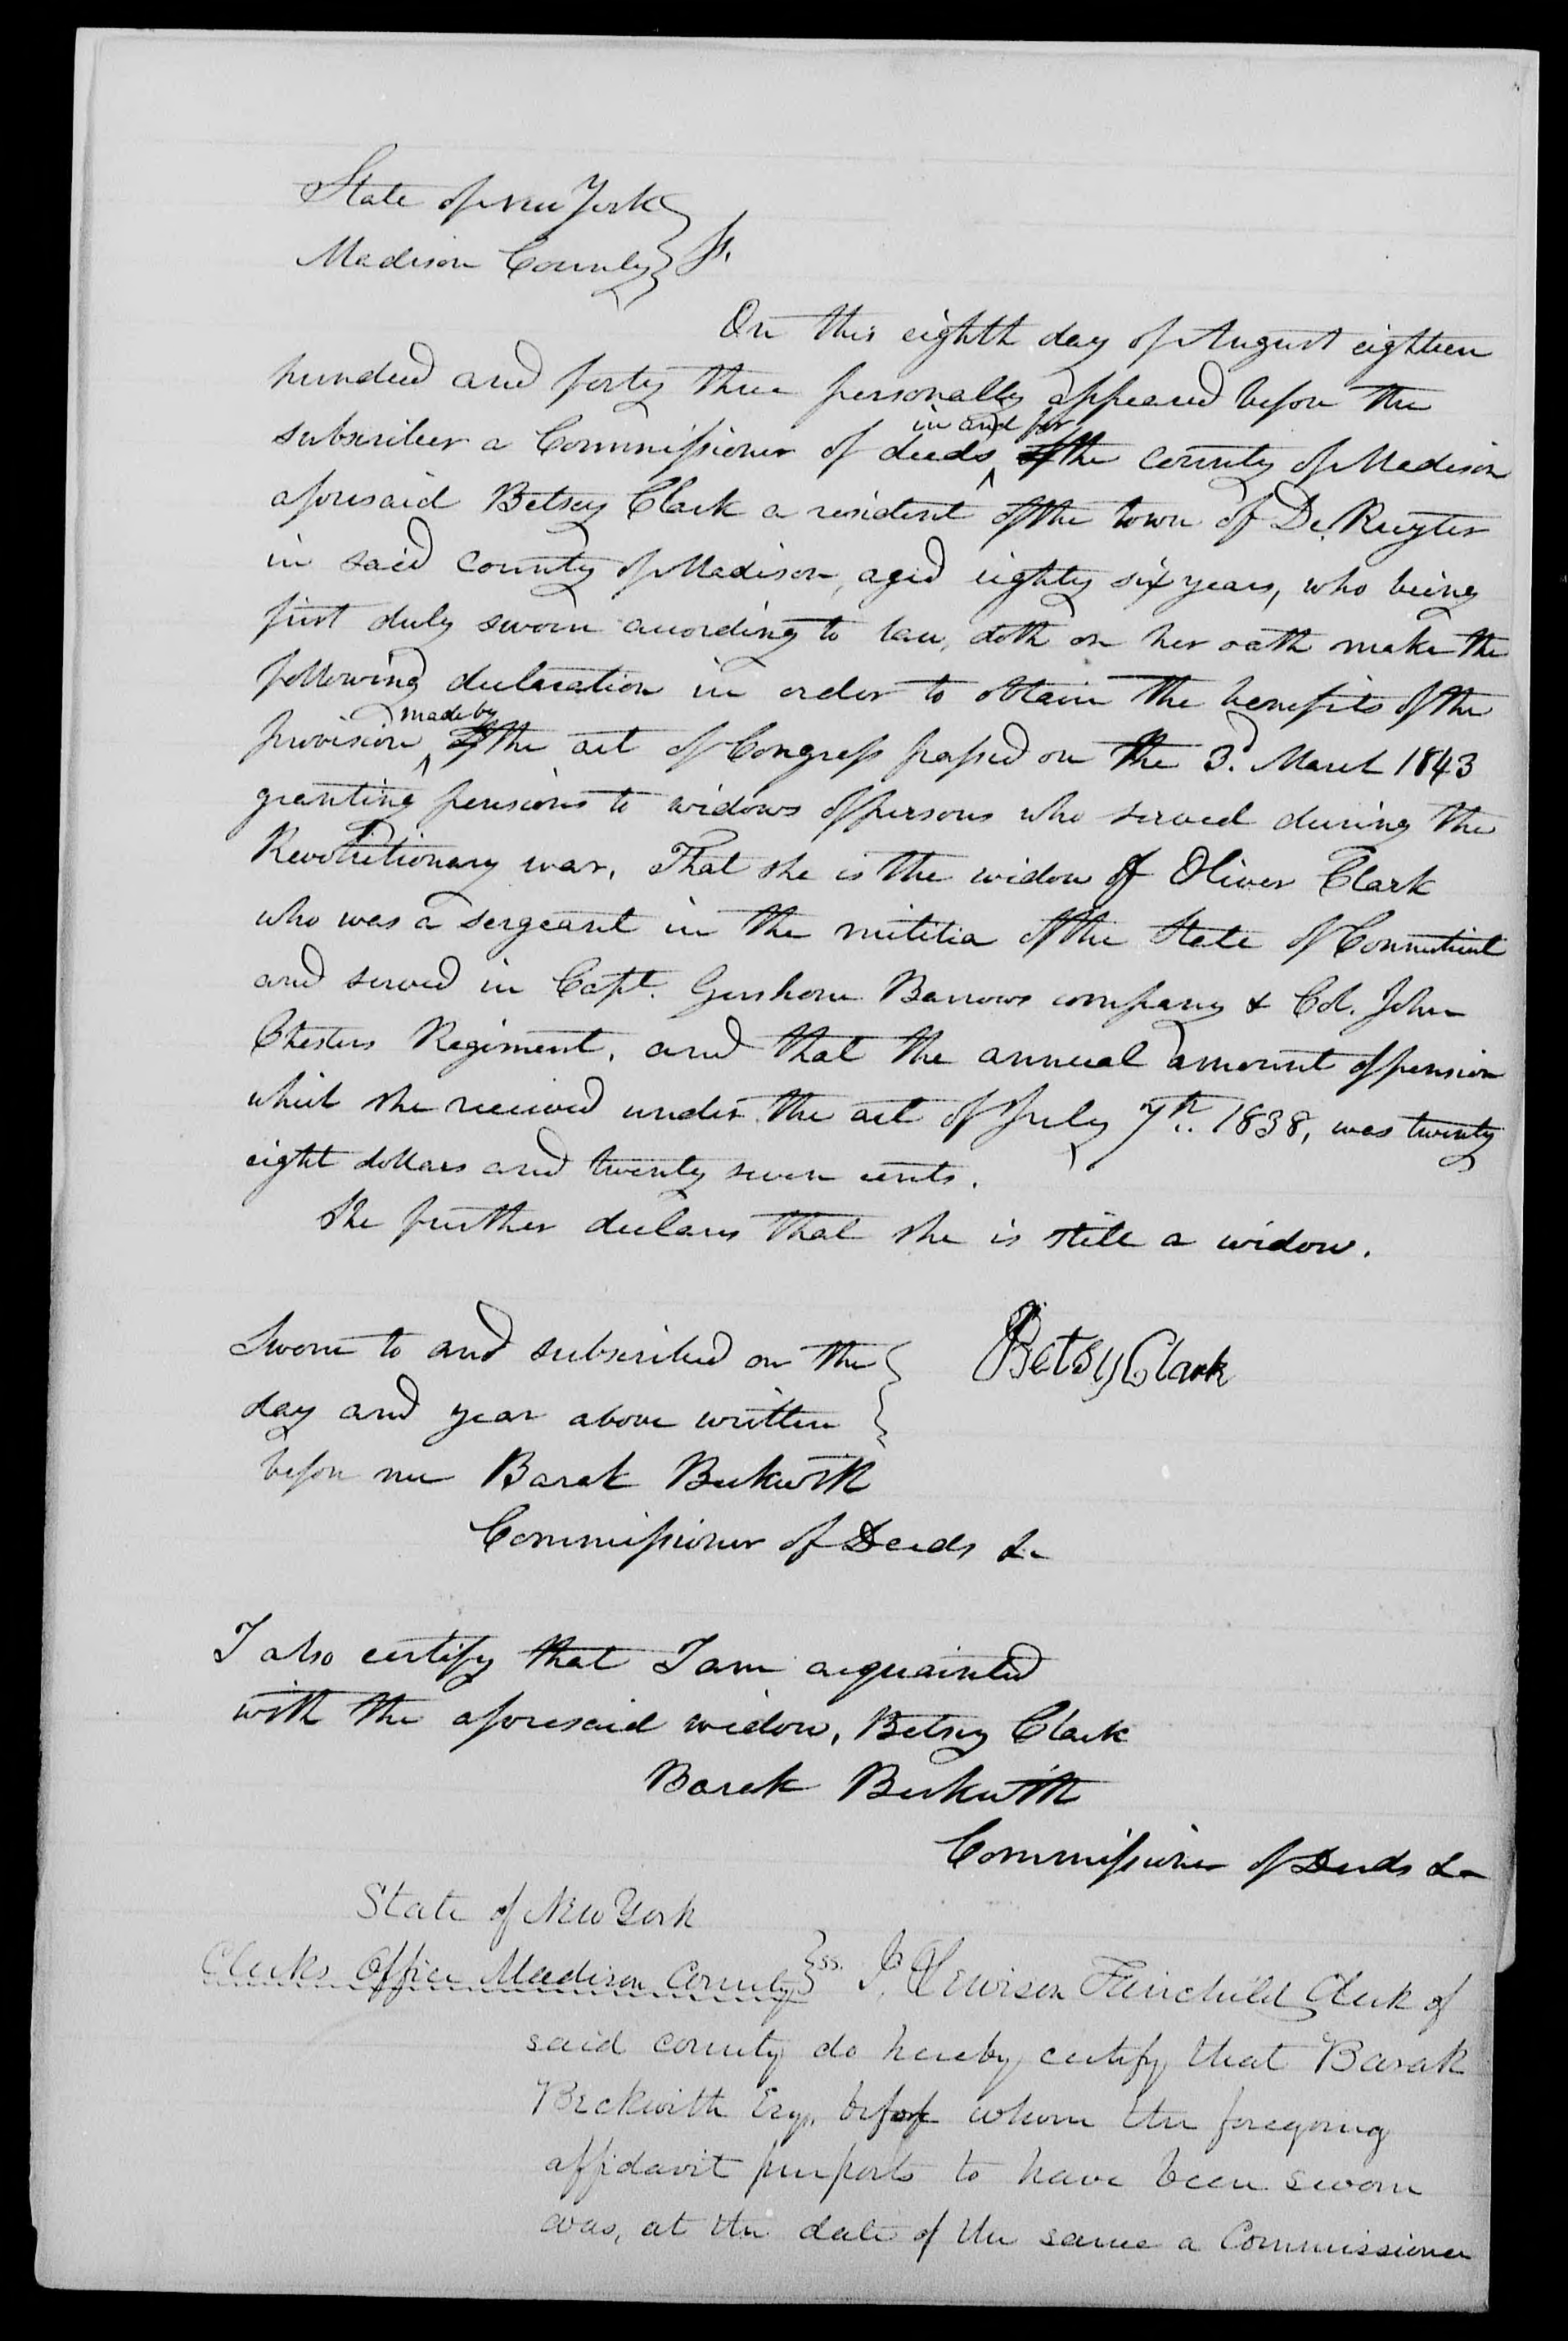[handwritten]
State of New York
Madison County ss.

On this eighth day of August eighteen hundred and forty three personally appeared before the subscriber a Commissioner of deeds in and for the county of Madison aforesaid Betsey Clark a resident of the town of DeRuyter in said county of Madison, aged eighty six years, who being first duly sworn according to law, doth on her oath make the following declaration in order to obtain the benefits of the provision made by the act of Congress passed on the 3d March 1843 granting pensions to widows of persons who served during the Revolutionary war. That she is the widow of Oliver Clark who was a sergeant in the militia of the State of Connecticut and served in Capt. Gersham Barrows company & Col. John Chesters Regiment, and that the annual amount of pension which she received under the act of July 7th 1838, was twenty eight dollars and twenty seven cents.
She further declares that she is still a widow.
[signed] Betsy Clark

Sworn to and subscribed on the day and year above written before me Barah Beckwith
Commissioner of Deeds [illegible]
I also certify that I am acquainted with the aforesaid widow, Betsey Clark
[signed] Barak Beckwith
Commissioner of Deeds [illegible]

State of New York
Clerks Office Madison County } ss
I, Lewison Fairchild Clerk of said county do hereby certify that Barak Beckwith Esq. before whom the foregoing affidavit purports to have been sworn was, at the date of the same a Commissioner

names: Lewison Fairchild, Barak Beckwith, Betsey Clark, Betsey Clark, Betsy Clark, Oliver Clark, Barak Beckwith, Barak Beckwith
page: 31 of 51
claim: widow's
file: W. 23816, Oliver Clark, Conn.